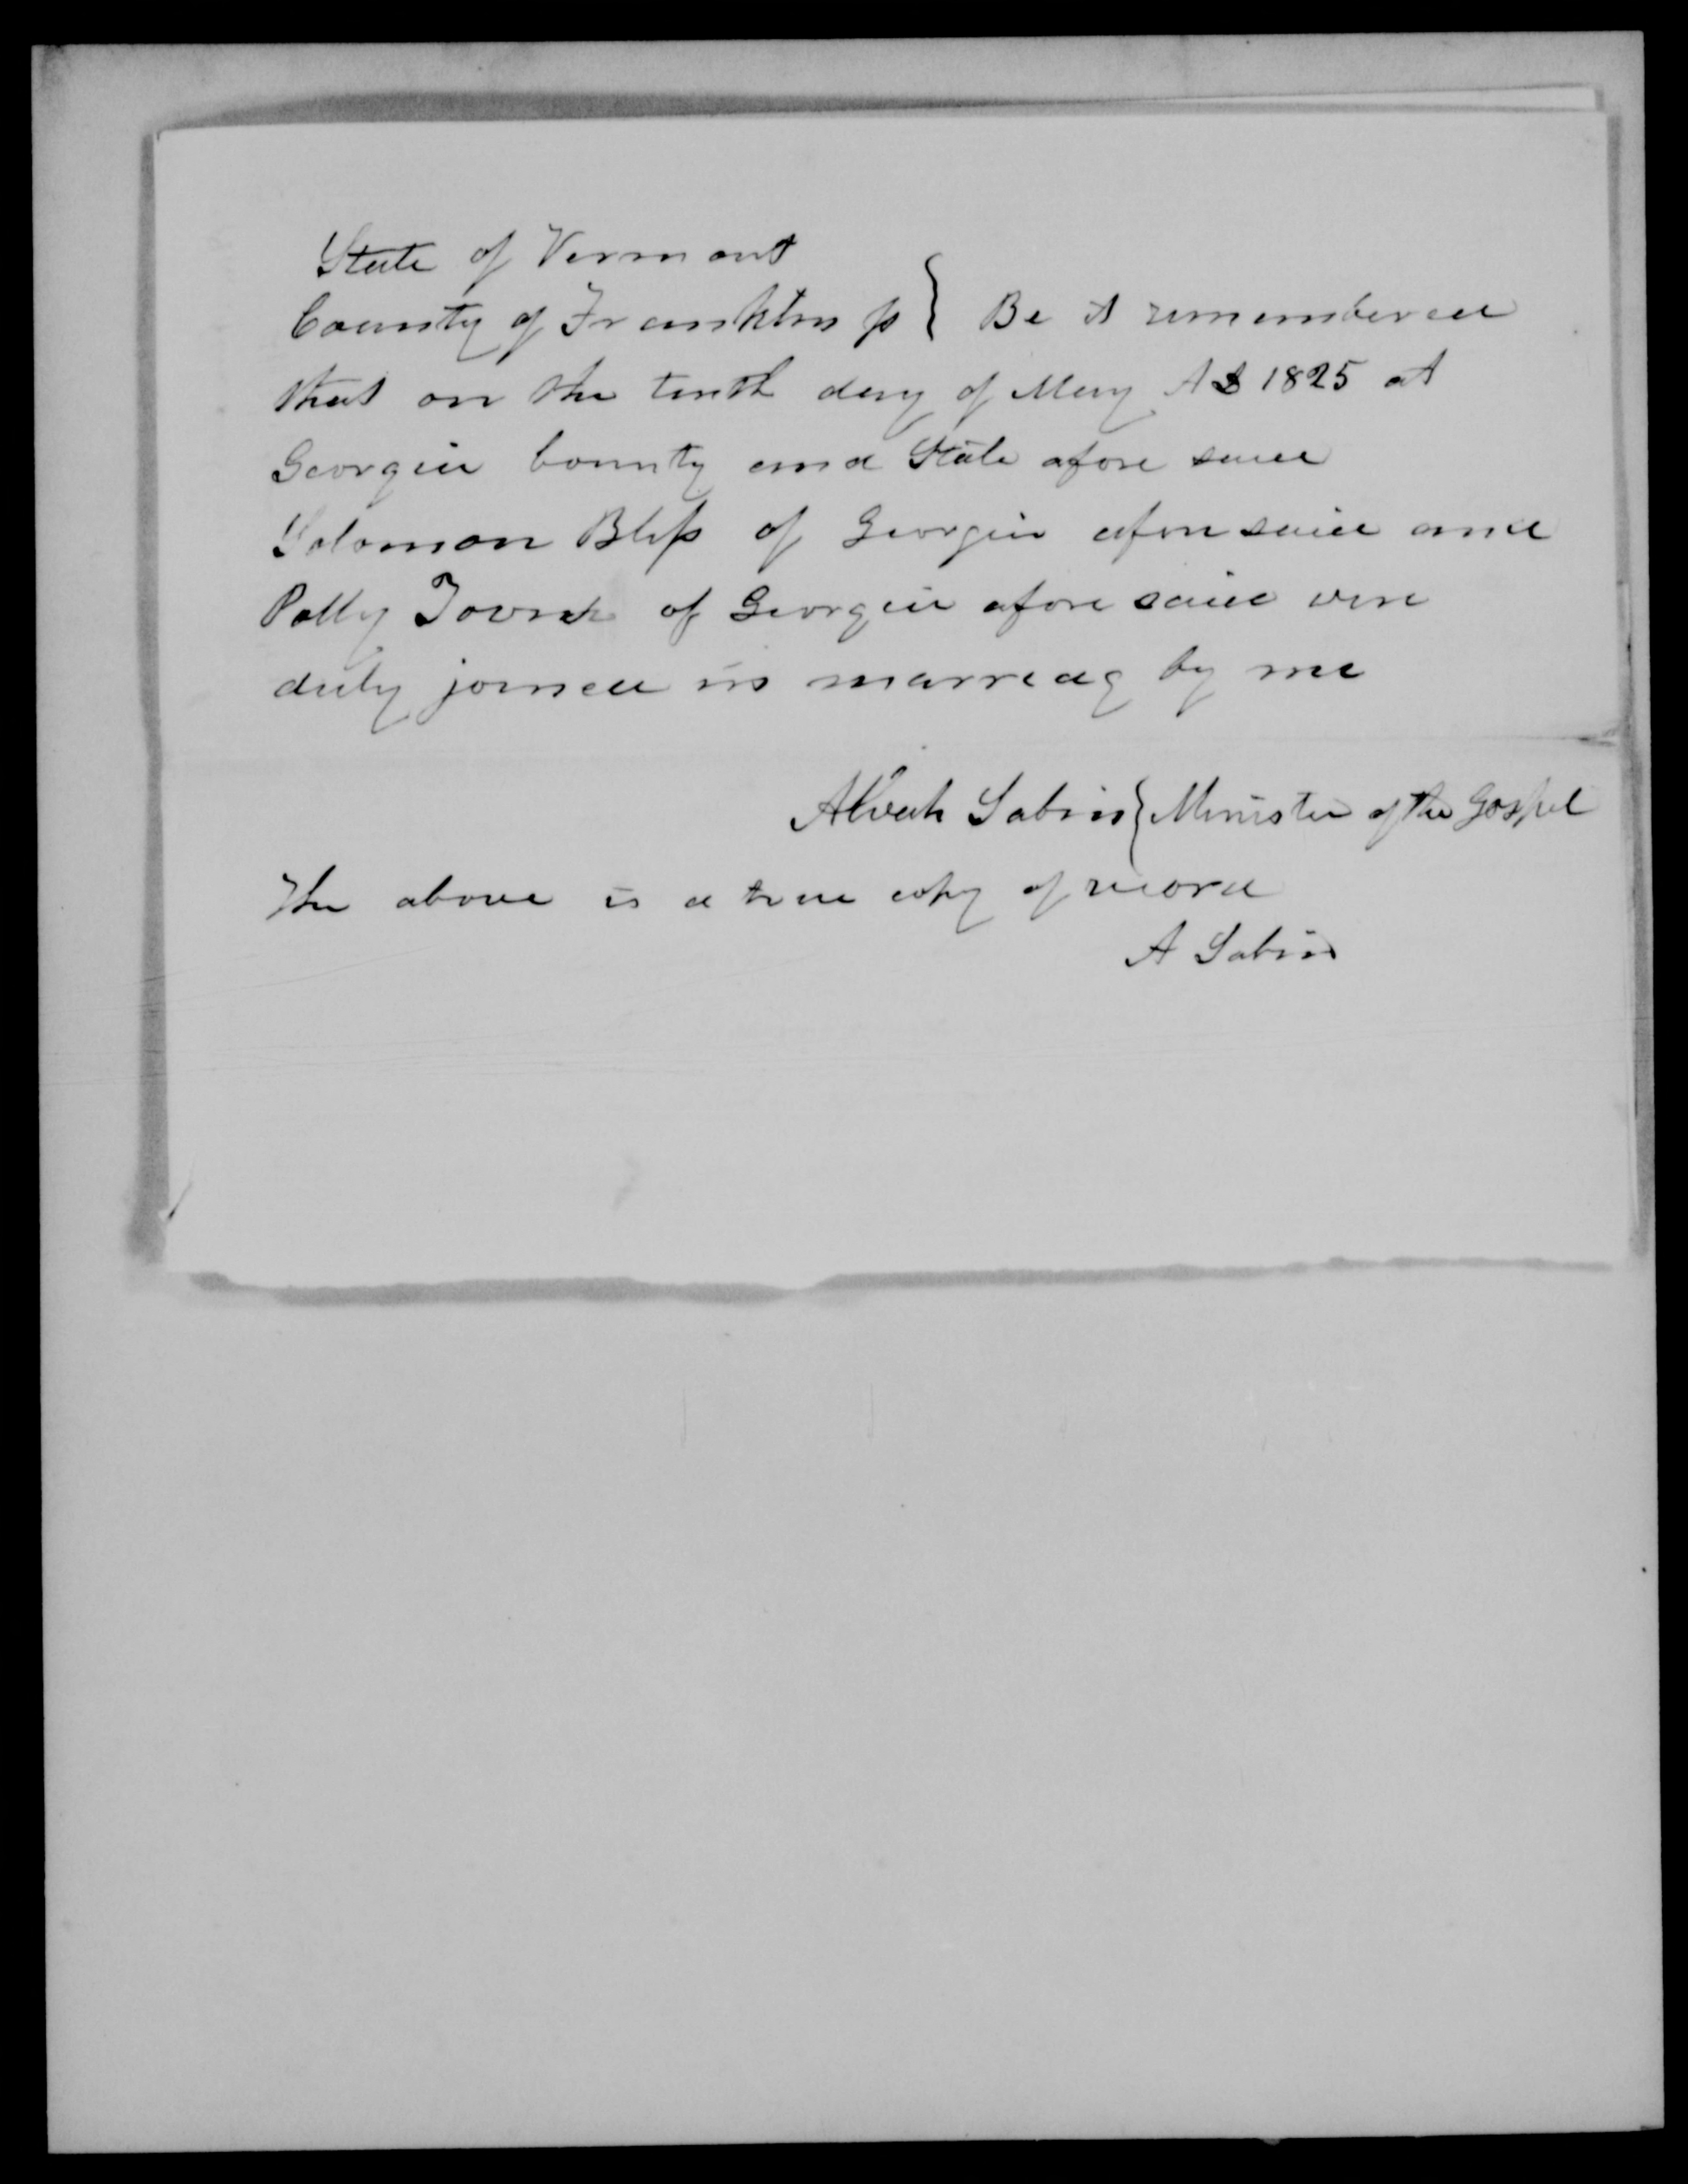State of Vermont
County of Franklin SS  Be it remembered that on the tenth day of May A. D.  1825 at Gerogia County and State aforesaid Solomon Bliss of Georgia aforesaid and Polly town of Georgia aforesaid were duly joined in marriage by me.
Alvah Sabin} Minister of the Gospel

the above is a true copy of record.
A. Sabin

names: Solomon Bliss, A Sabin, Polly Town, Alvah Sabin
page: 12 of 64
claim: widow's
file: W. 5831, Edmund Town, Mass.